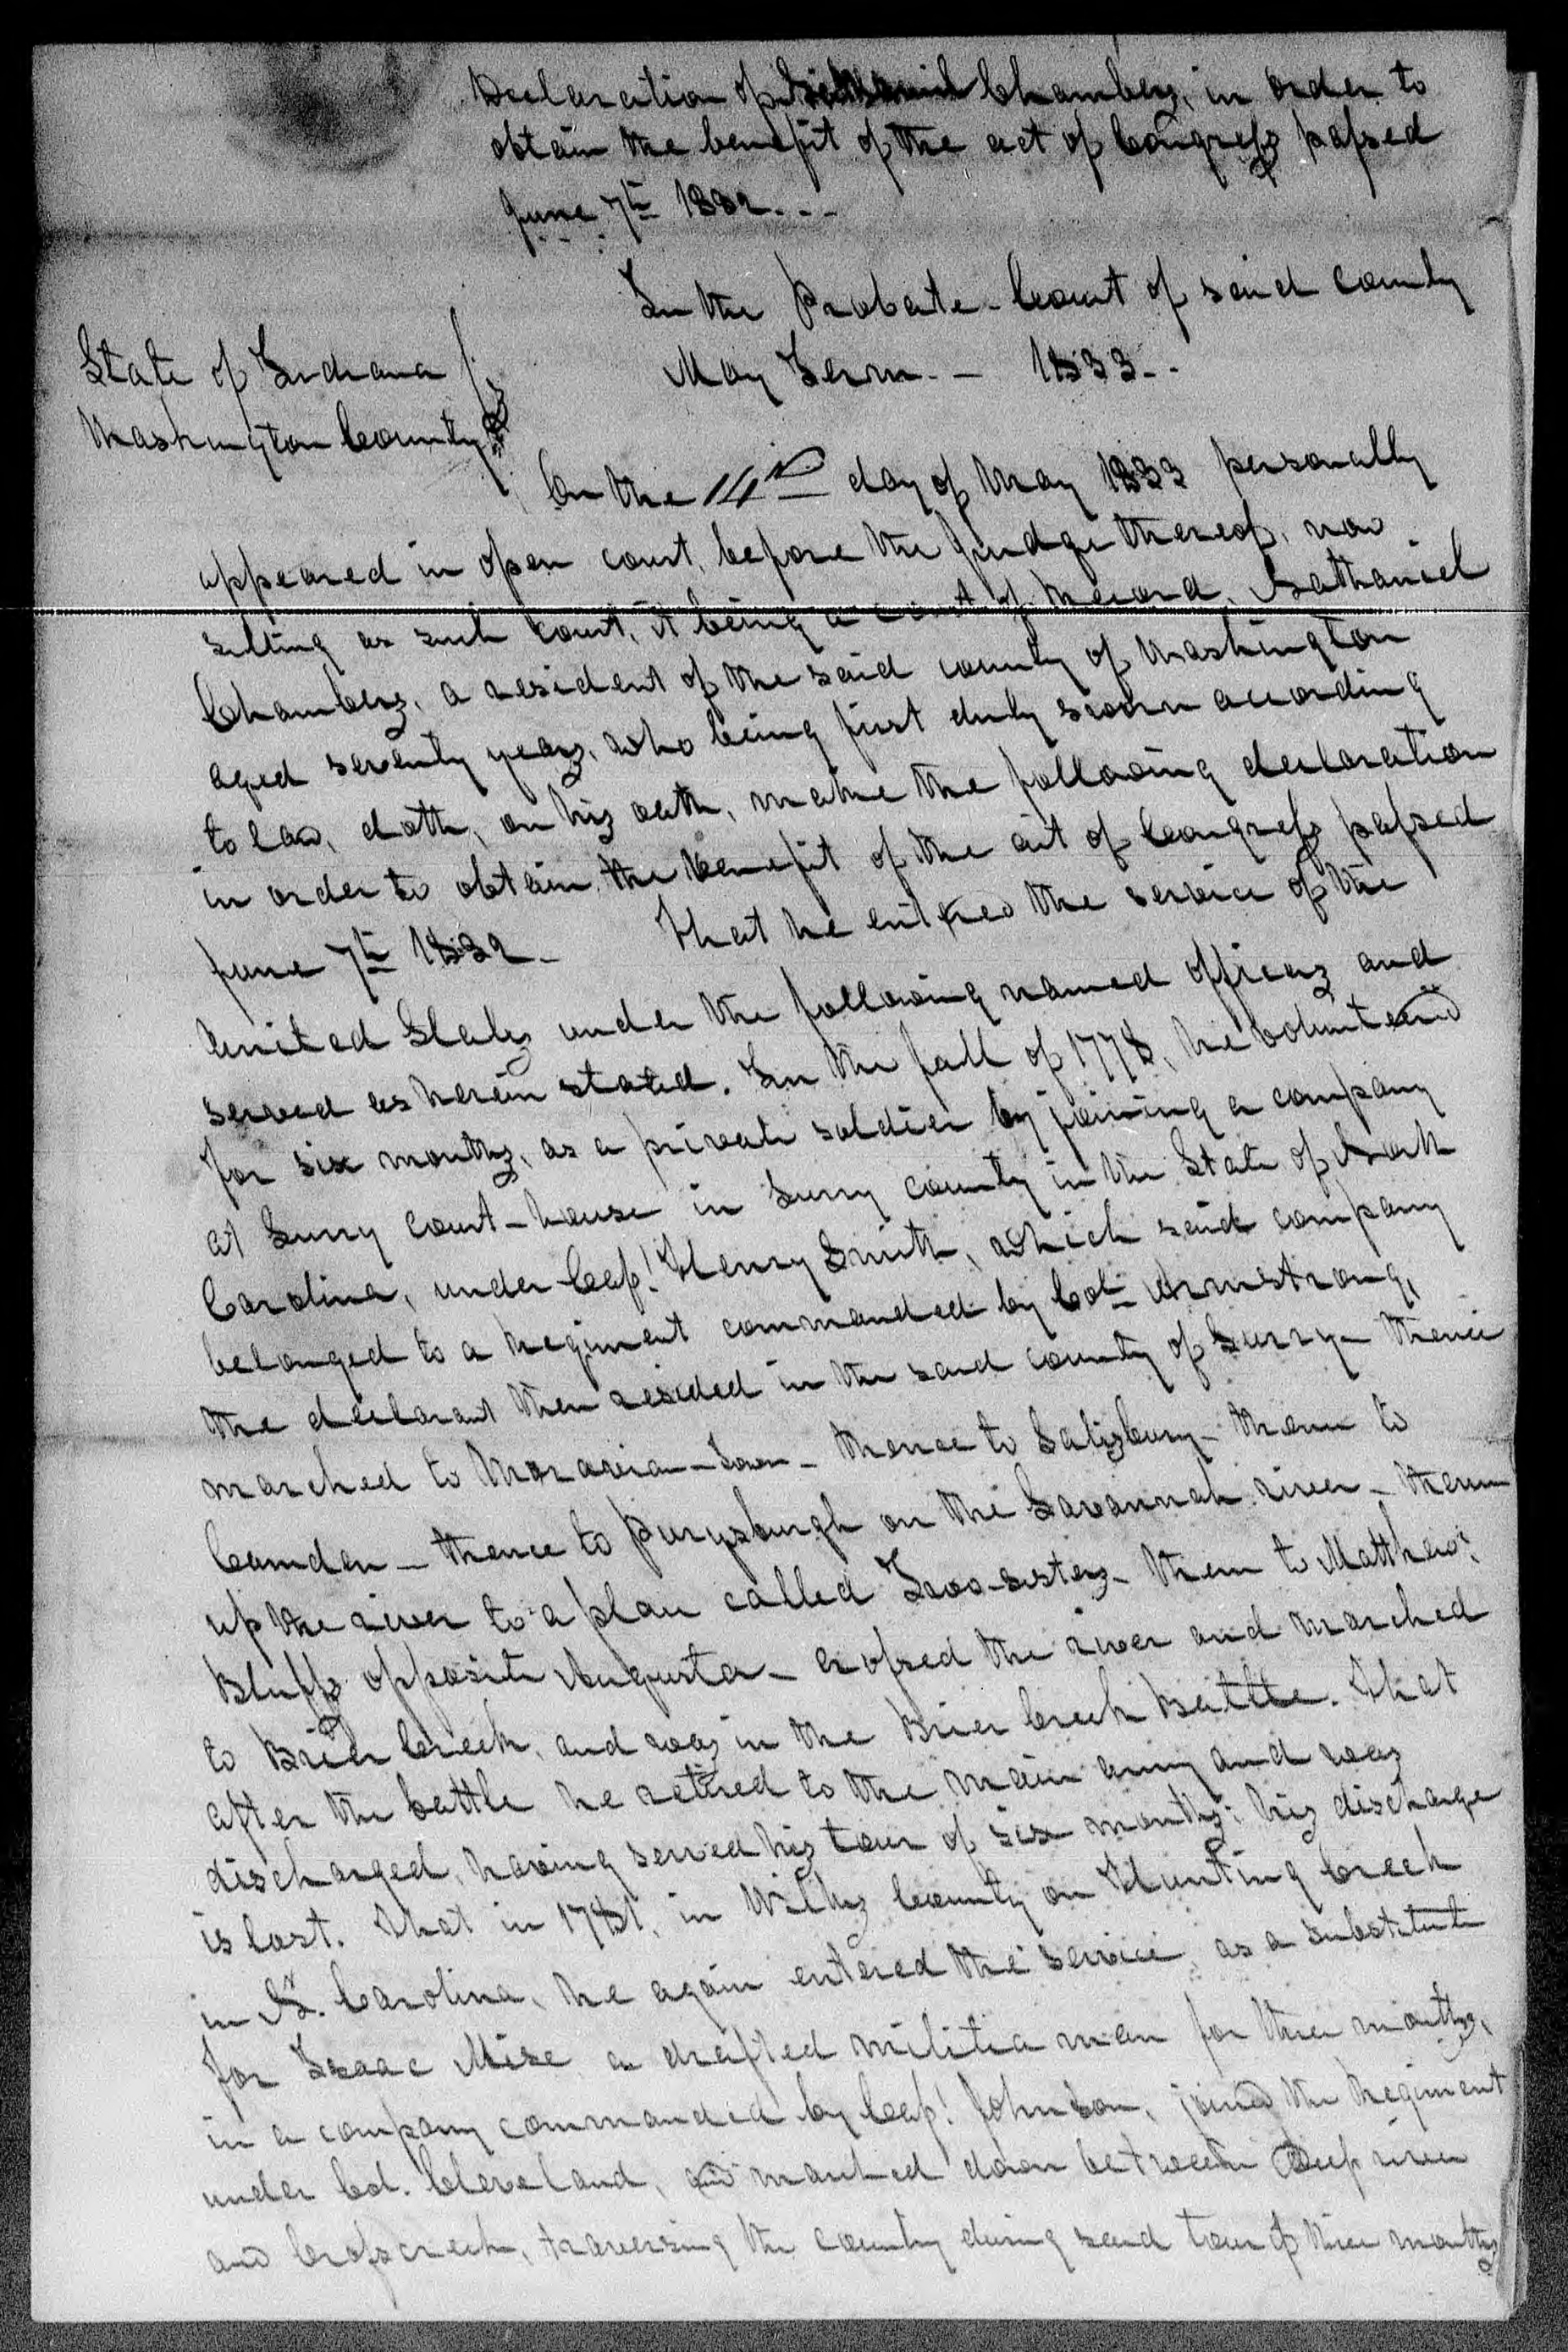declaration of said Chambers in order to
obtain the benefit of the act of Congress passed

June 7th, 1832
In the the probate Court of said court
May Term 1833

State of Indiana
Washington County

On the 14th day of May 1883 personally appeared in open court before the Judge thereof now sitting as such Court, it being a court of Record, Nathaniel Chambers, a resident of the said County of Washington aged seventy years who being first duly sworn according to law doth on his oath make the following declaration in order to obtain the benefit
the act of Congress passed June 7th, 1832 that he entered the service of the United States under the
following named offices and served as herein stated in the fall of 1778, he volunteered for six months, as a private Soldier by joining a company at Surry courthouse in Surry County in the State of North Carolina under Cap. Henry Smith, which belonged to a regiment commanded by Col. Armstrong. The declarant then he resided in the said County of Surry thence marched to [illegible] Town - Hence to Salisbury thence to Camden - thence to Purysburgh on the Savannah River - thence up the river to a plain called [illegible] thence to Matthews Bluffs opposite [illegible] - crossed the river and marched to Brier Creek, and was in the Brier Creek Battle that after the Battle he retired to the main army and was discharged,  having served his tour of six months is lost.  That in 1781 in Wilkes County on Hunting Creek in North Carolina, he again entered the service as a substitute for Isaac Mise a drafted militia man for the [illegible] 
in a company commanded by Capt. Johnson, joined the regiment under Col. Cleveland, and marched down between Deep River and [illegible] Creek traversing the county during said tour of three months.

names: Henry Smith, Johnson, Nathaniel Chambers, Cleveland, Nathaniel Chambers, Isaac Mise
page: 11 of 13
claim: survivor's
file: S. 32,171, Nathaniel Chambers, N.C.